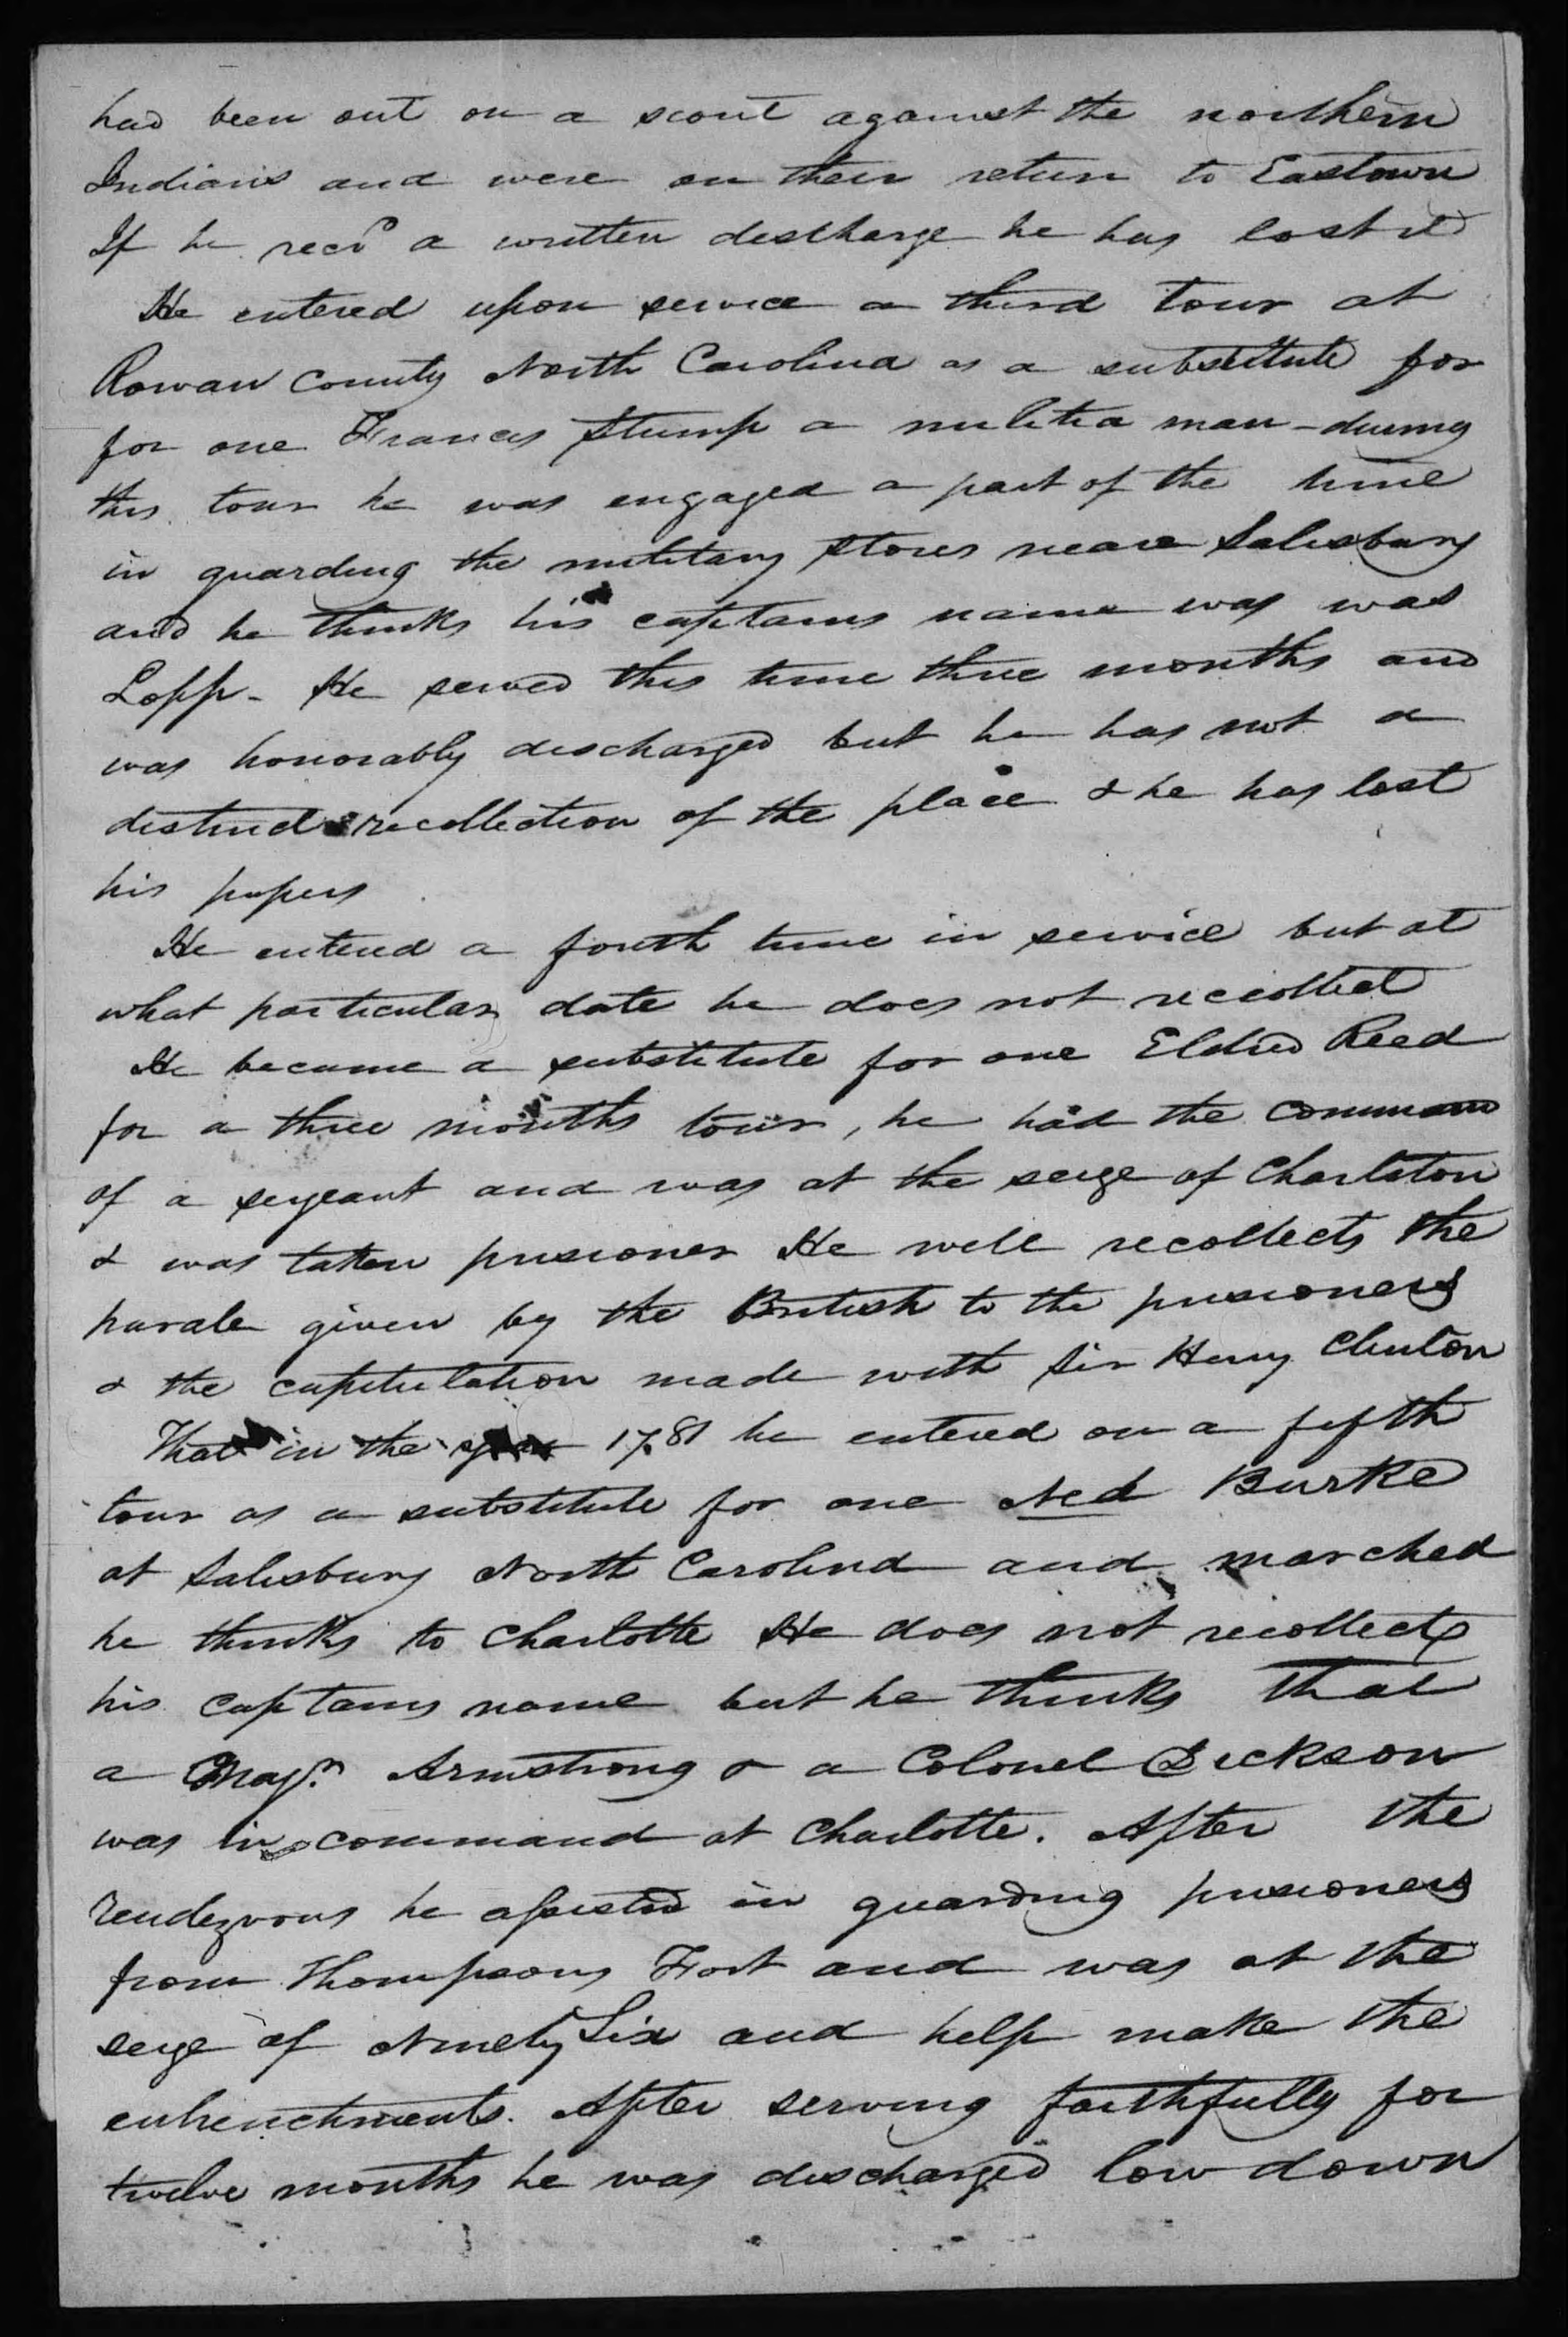had been out on a scout against the northern Indians and were on their return to Eastown.  If he rec'd a written discharge he has lost it.
He entered upon service a third tour at Rowan County North Carolina as a substitute for one Francis Stump a militia man.  During this tour he was engaged a part of the time in guarding the military stores near Salisbury and he thinks his captain's name was Lopp.  He served this time three months and was honorably discharged but he has not a distinct recollection of the place & he has lost his papers.
He entered a fourth time in service but at what particular date he does not recollect.  He became a substitute for one Eldred Reed for a three month tour, he had the commission of a sergeant and was at the siege of Charleston & was taken prisoner.  He well recollects the parade given by the British to the prisoners & the capitulation made with Sir Henry Clinton. 
That in the year 1781 he entered on a fifth tour as a substitute for one Ned Burke at Salisbury North Carolina and marched he thinks to Charlotte.   He does not recollect his captain's name but he thinks that a Maj. Armstrong & and Colonel Dickson was in command at Charlotte.  After the rendezvous he assisted in guarding prisoners from Thompsons Fort and was at the siege of ninety six and helped make the entrenchments.  After serving faithfully for twelve months he was discharged low down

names: Armstrong, Heny Clinton, Ned Burke, Dickson, Eldred Reed, Francis Stump, Lopp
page: 14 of 76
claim: widow's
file: W. 83, Albert Hendricks, Continental Md. N.C.